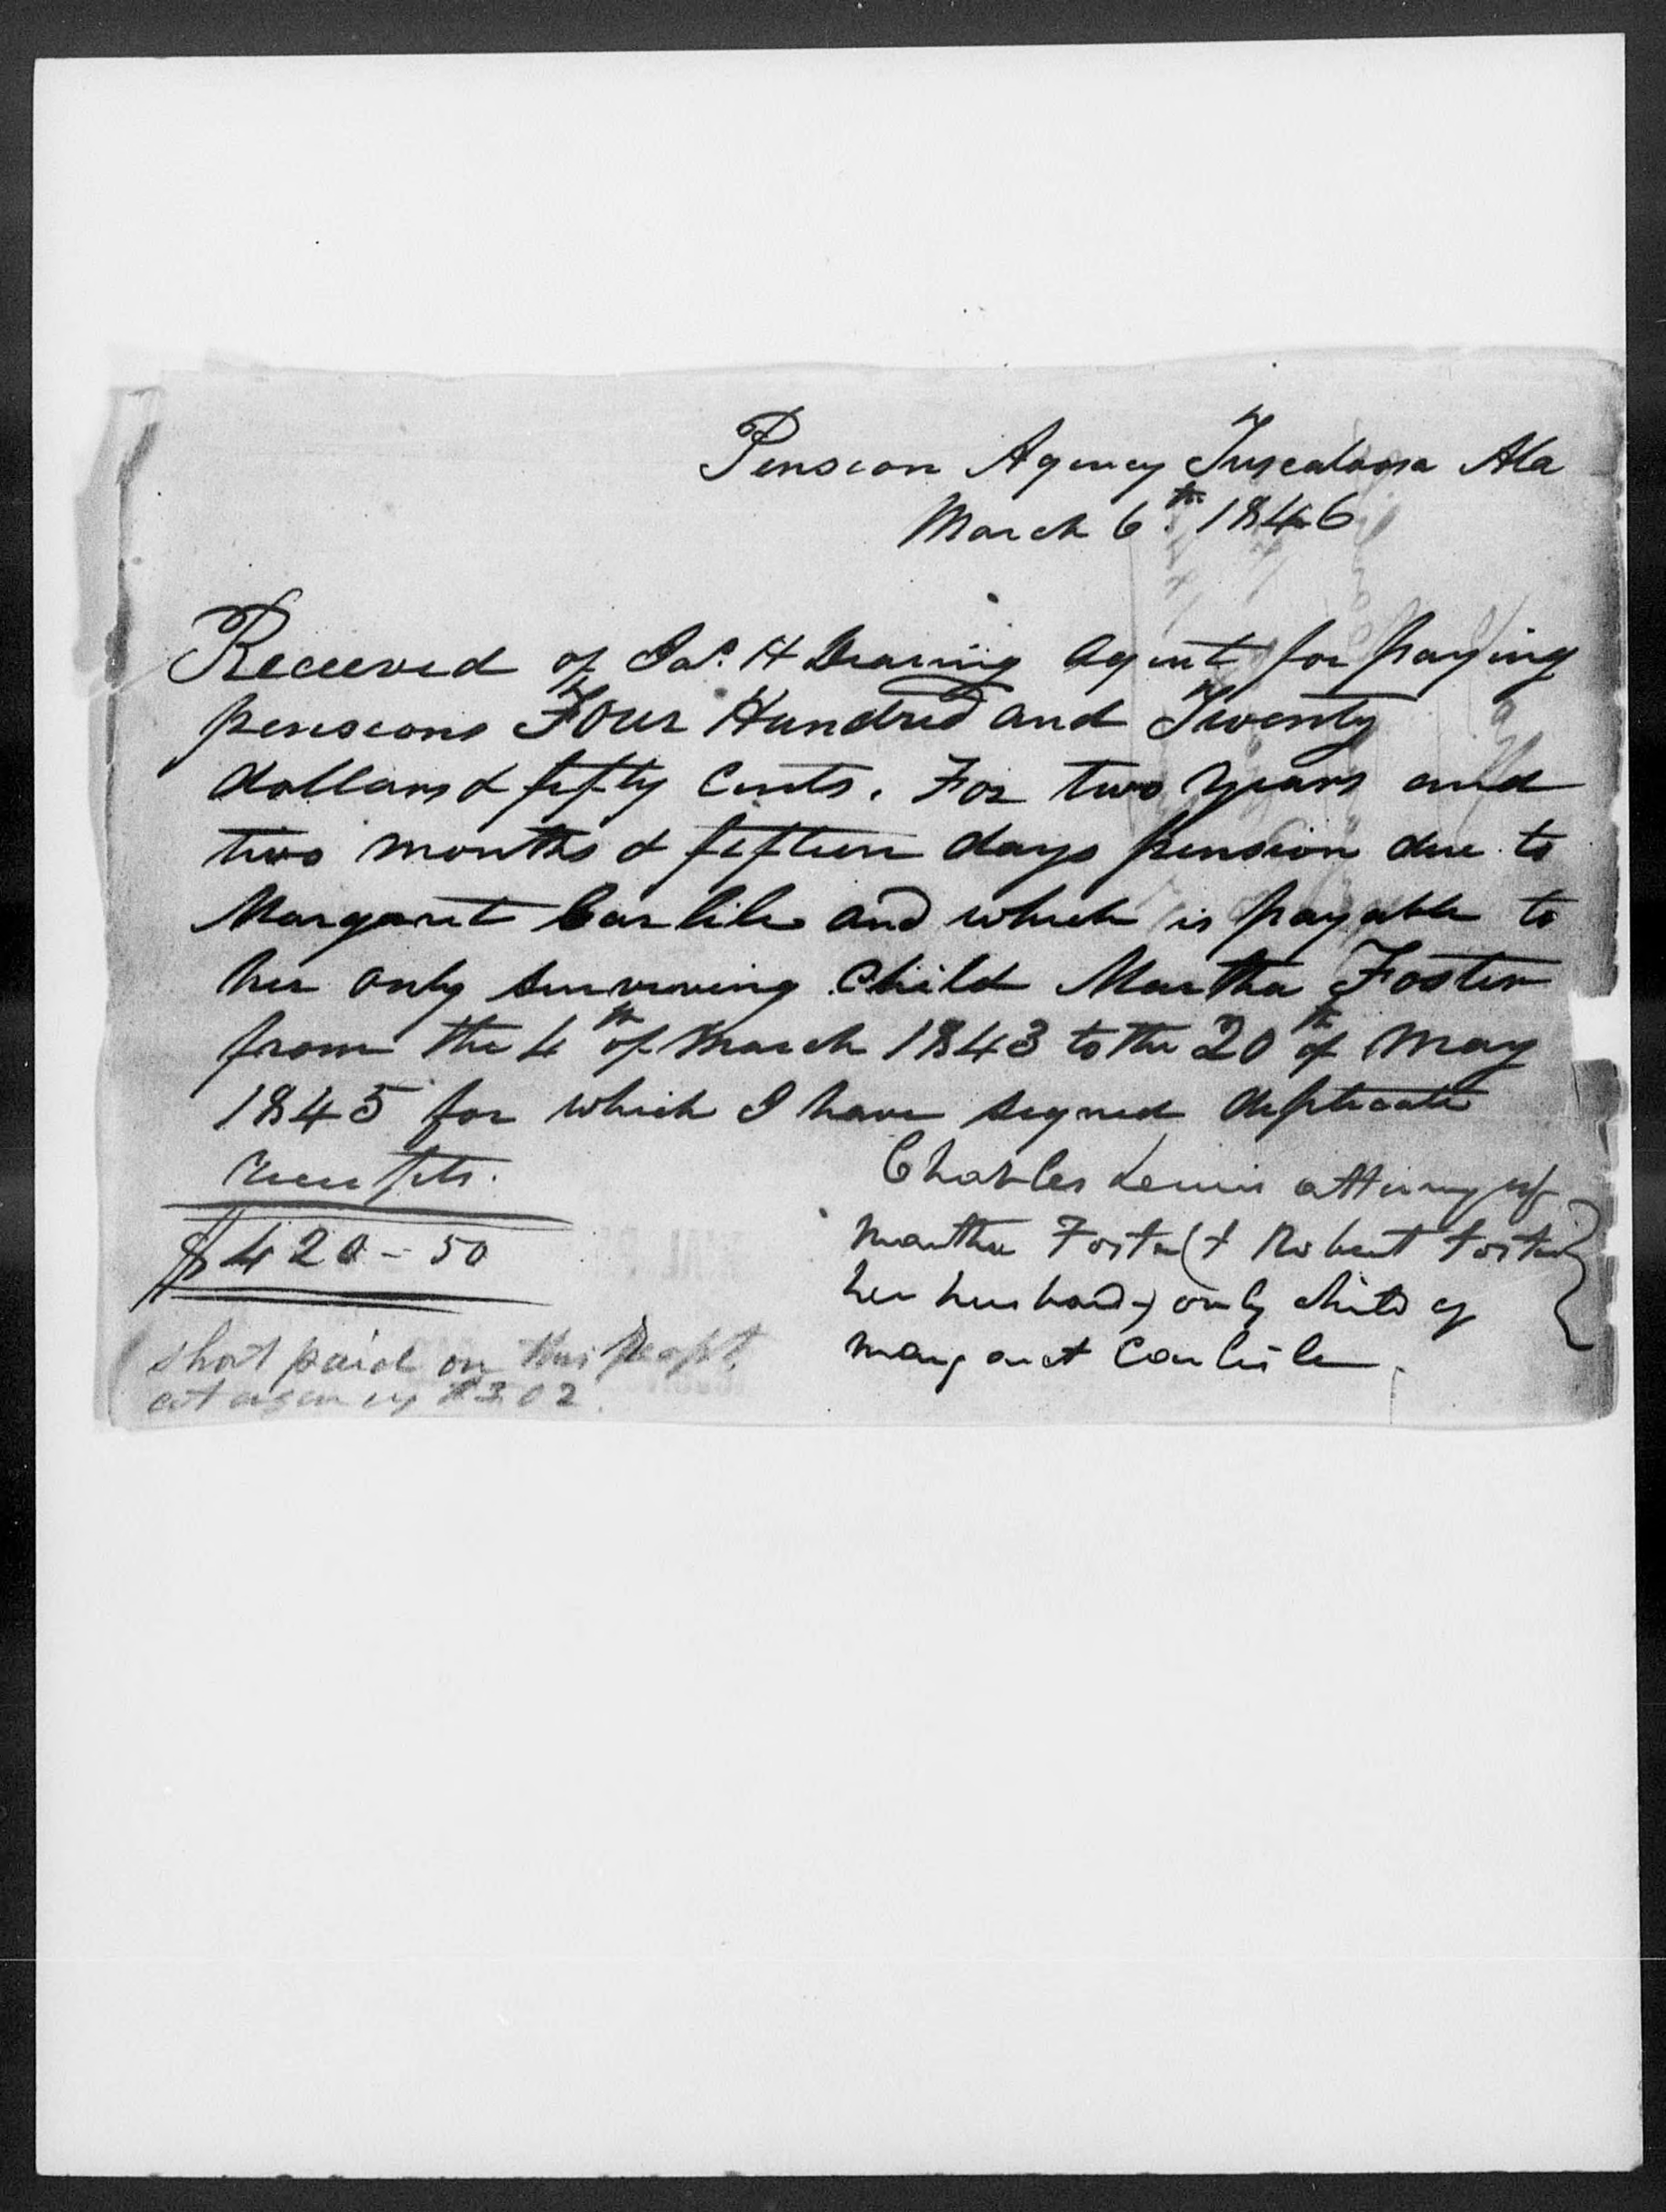Pension Agency Tuscaloosa Ala
March 6th 1846

Received of Jas H Dearing Agent for paying pensions Four Hundred and Twenty dollars & fifty cents. For two years and two months & fifteen days pension due to Margaret Carlisle and which is payable to her only surviving child Martha Foster from the 4 March 1843 to the 20th May 1845 for which I have signed duplicate receipts
---
Charles Lewis attorney of Martha Foster & (Robert Foster her husband) only child of Margaret Carlisle

$420-50
short paid on this dept
at agency $3.02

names: Jas H Dearing, Margaret Carlile, Margaret Carlisle, Robert Foster, Martha Foster, Charles Lewis, Martha Foster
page: 20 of 91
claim: widow's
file: W. 10576, Francis Carlisle, S.C.